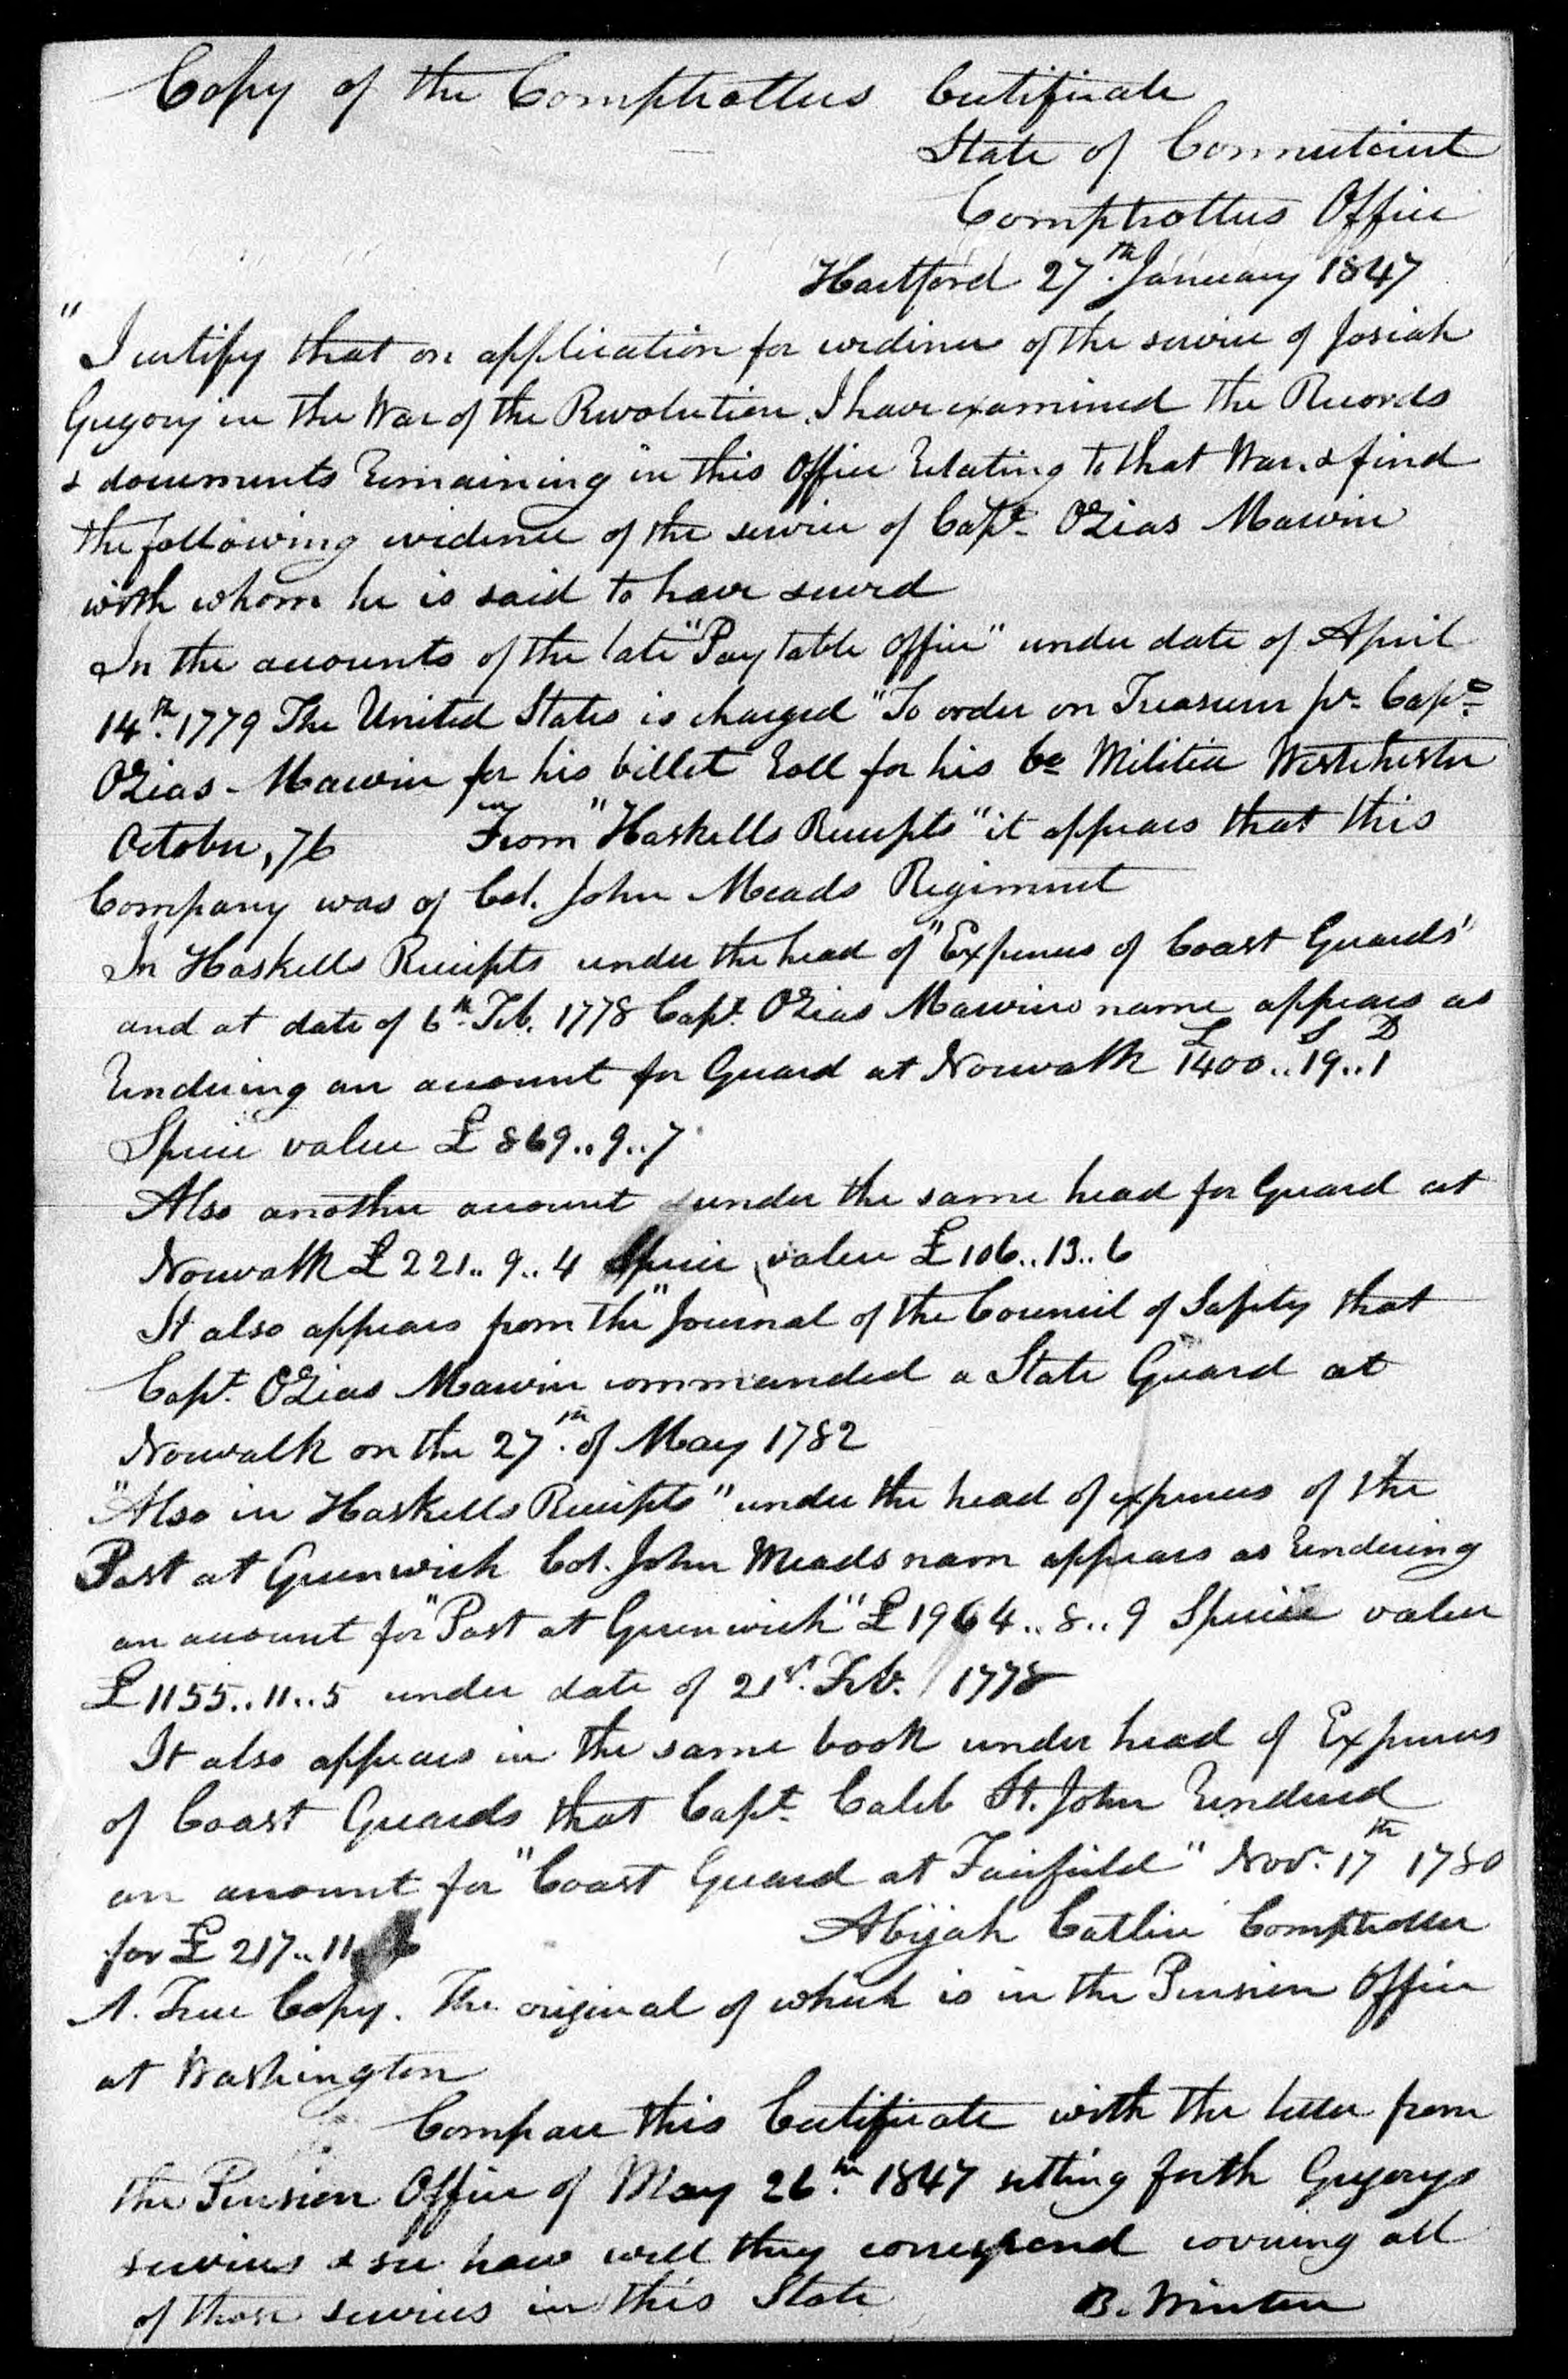Copy of the Comptrollers Certificate

State of Connecticut
Comptrollers Office
Hartford 27th January 1847
"I certify that on application for evidence of the service of Josiah Gregory in the War of the Revolution, I have examined the Records & documents Remaining in this office Relating to that war. & find the following evidence of the service of Capt. Ozias Marvin with whom he is said to have served
In the amounts of the late "Pay table office" under date of April 14th, 1779 The United States is charged "To order on Treasurer [illegible] Cap. Ozias.  Marvin for his billet roll for his be Militia Westchester October, 76   From "Haskells Receipts" it appears that this Company was of Col. John Meads Regiment
In Haskills Receipts under the head of "Expenses of Coast Guards" and at date of 6th Feb. 1778 Capt. Ozias Marvino name appears as Rendering an account for Guard at Norwalk 1400 ..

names: Ozias Marvin, John Mead, Josiah Gregory, B Winton, Caleb St John, Ozias Marvin, Ozias Marvin, Gregory, Abijah Catlin, Ozias Marvin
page: 33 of 49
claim: widow's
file: W 24308, Josiah Gregory, Conn.